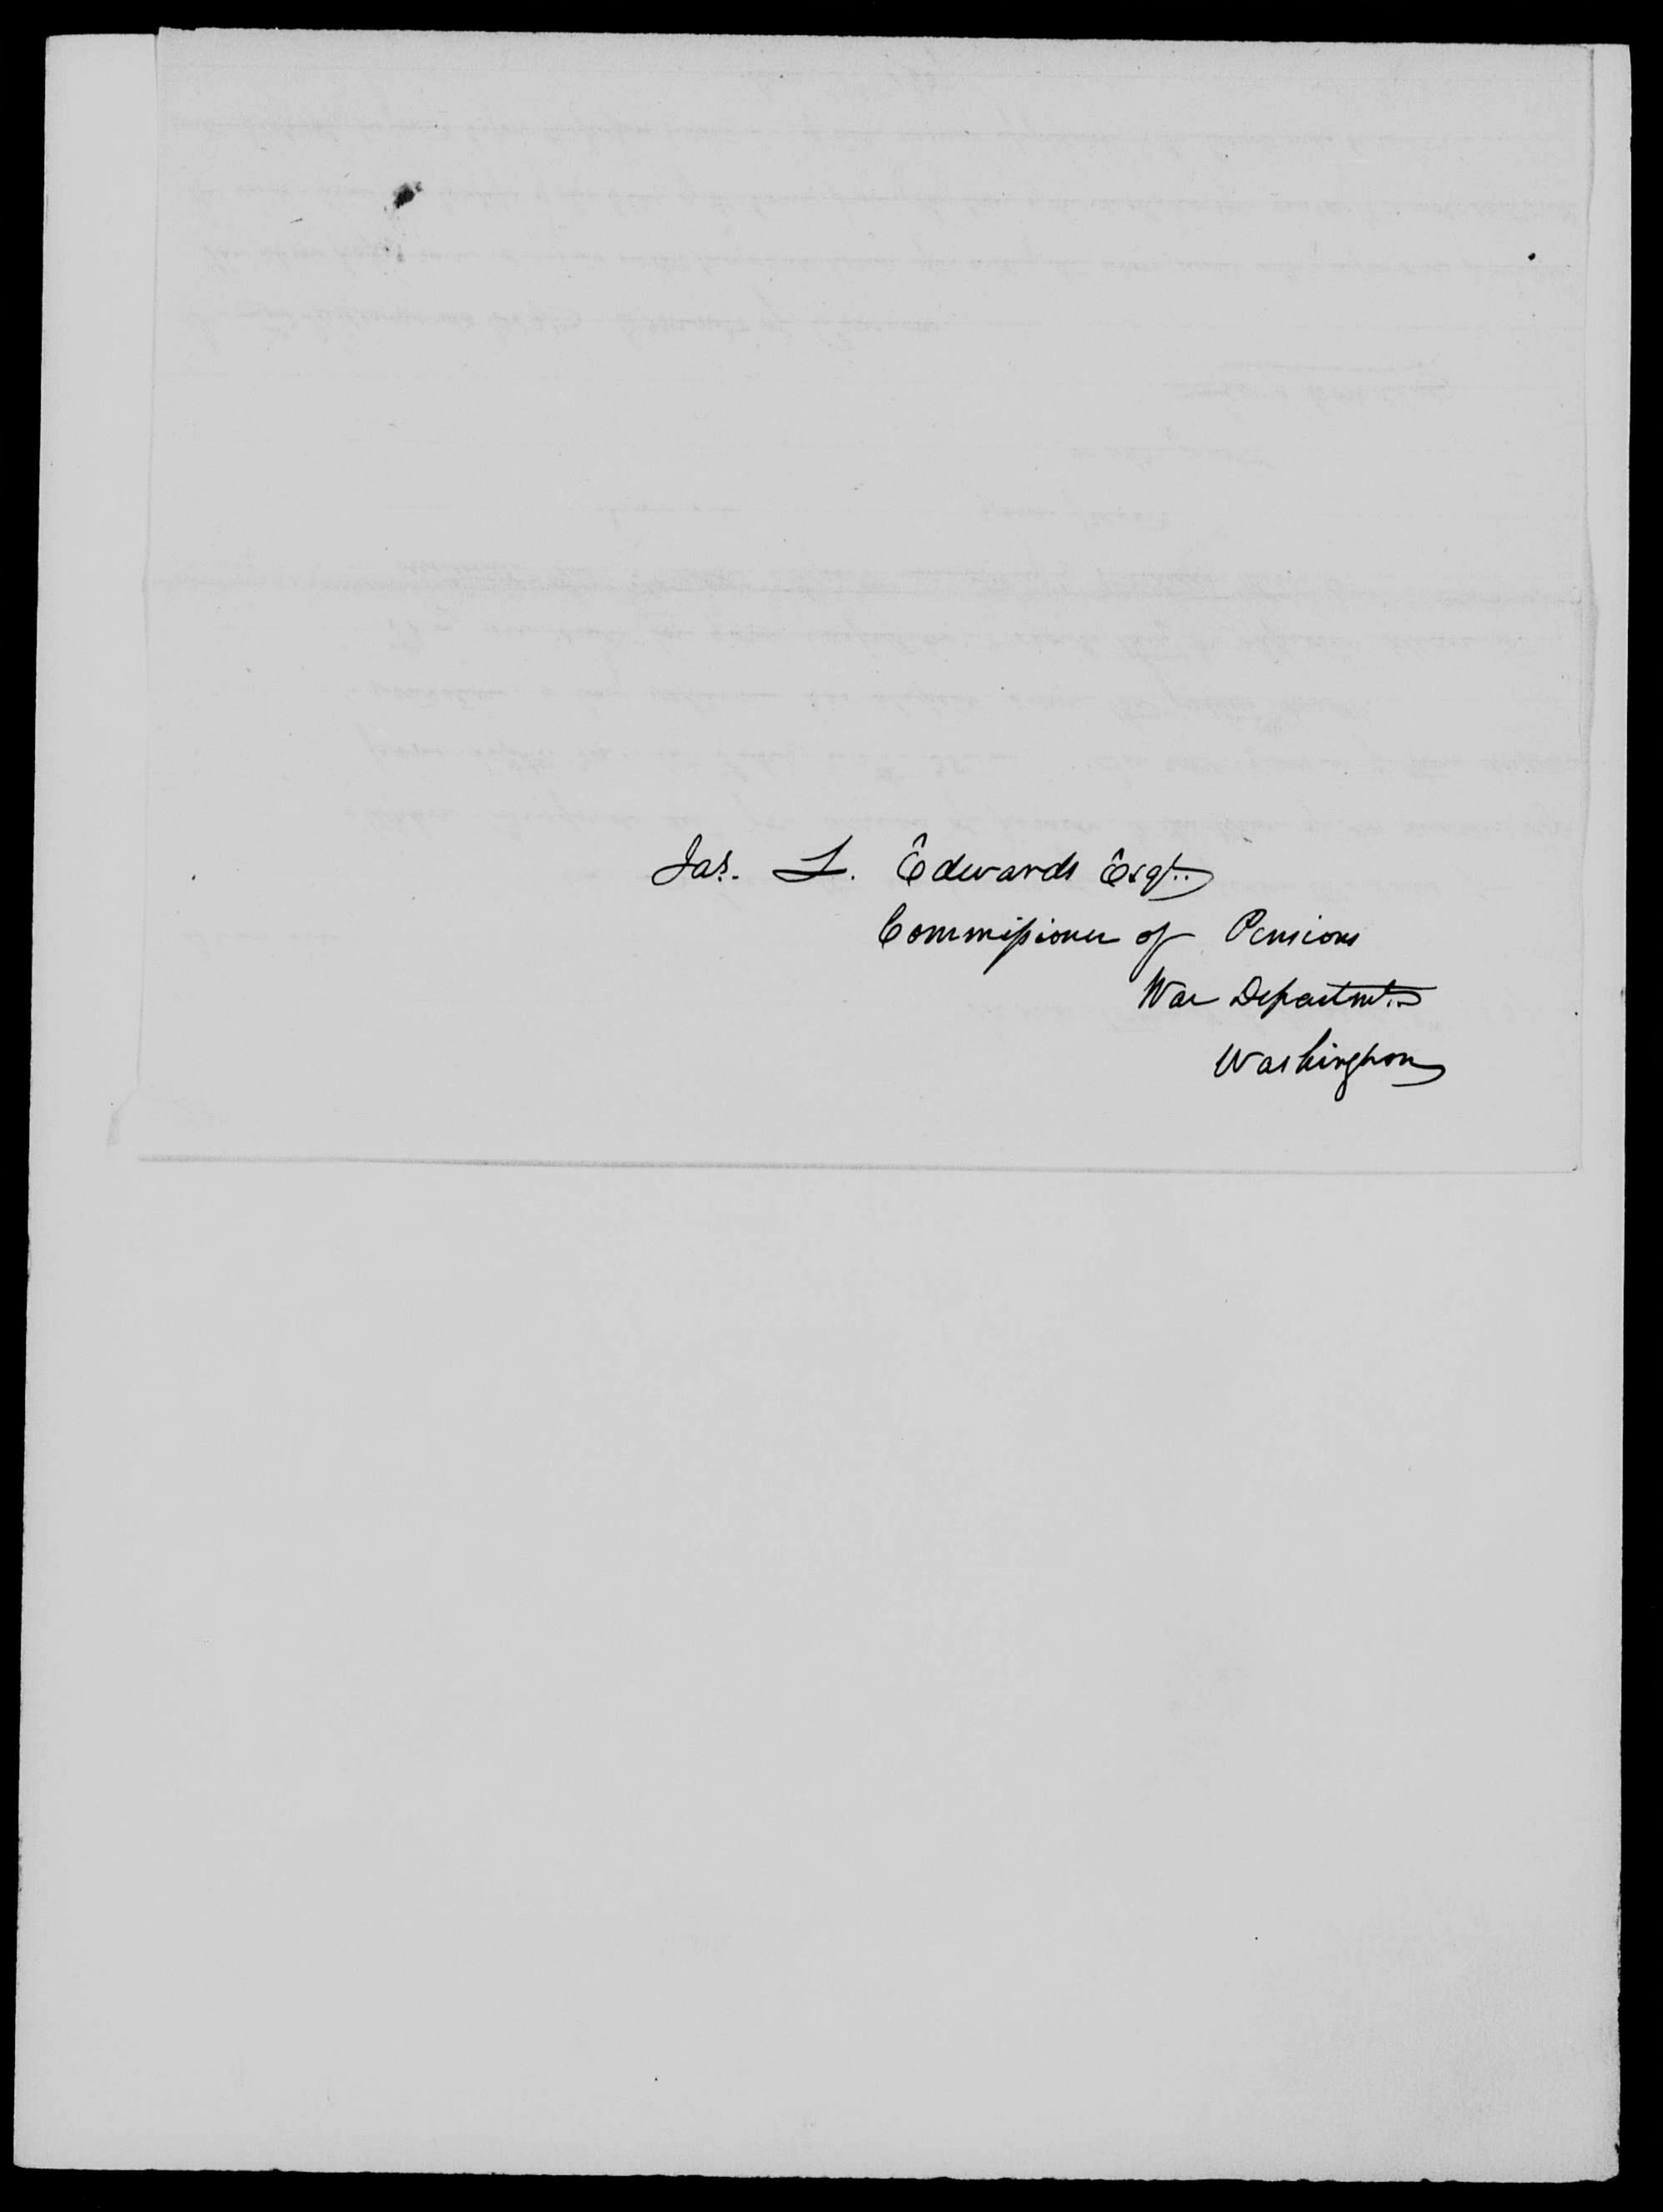Jas. L. Edwards Esqr.
Commissioner of Pensions
War Department
Washington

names: Jas L Edwards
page: 21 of 31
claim: survivor's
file: S. 2372, Stephen Bedford, New Jersey